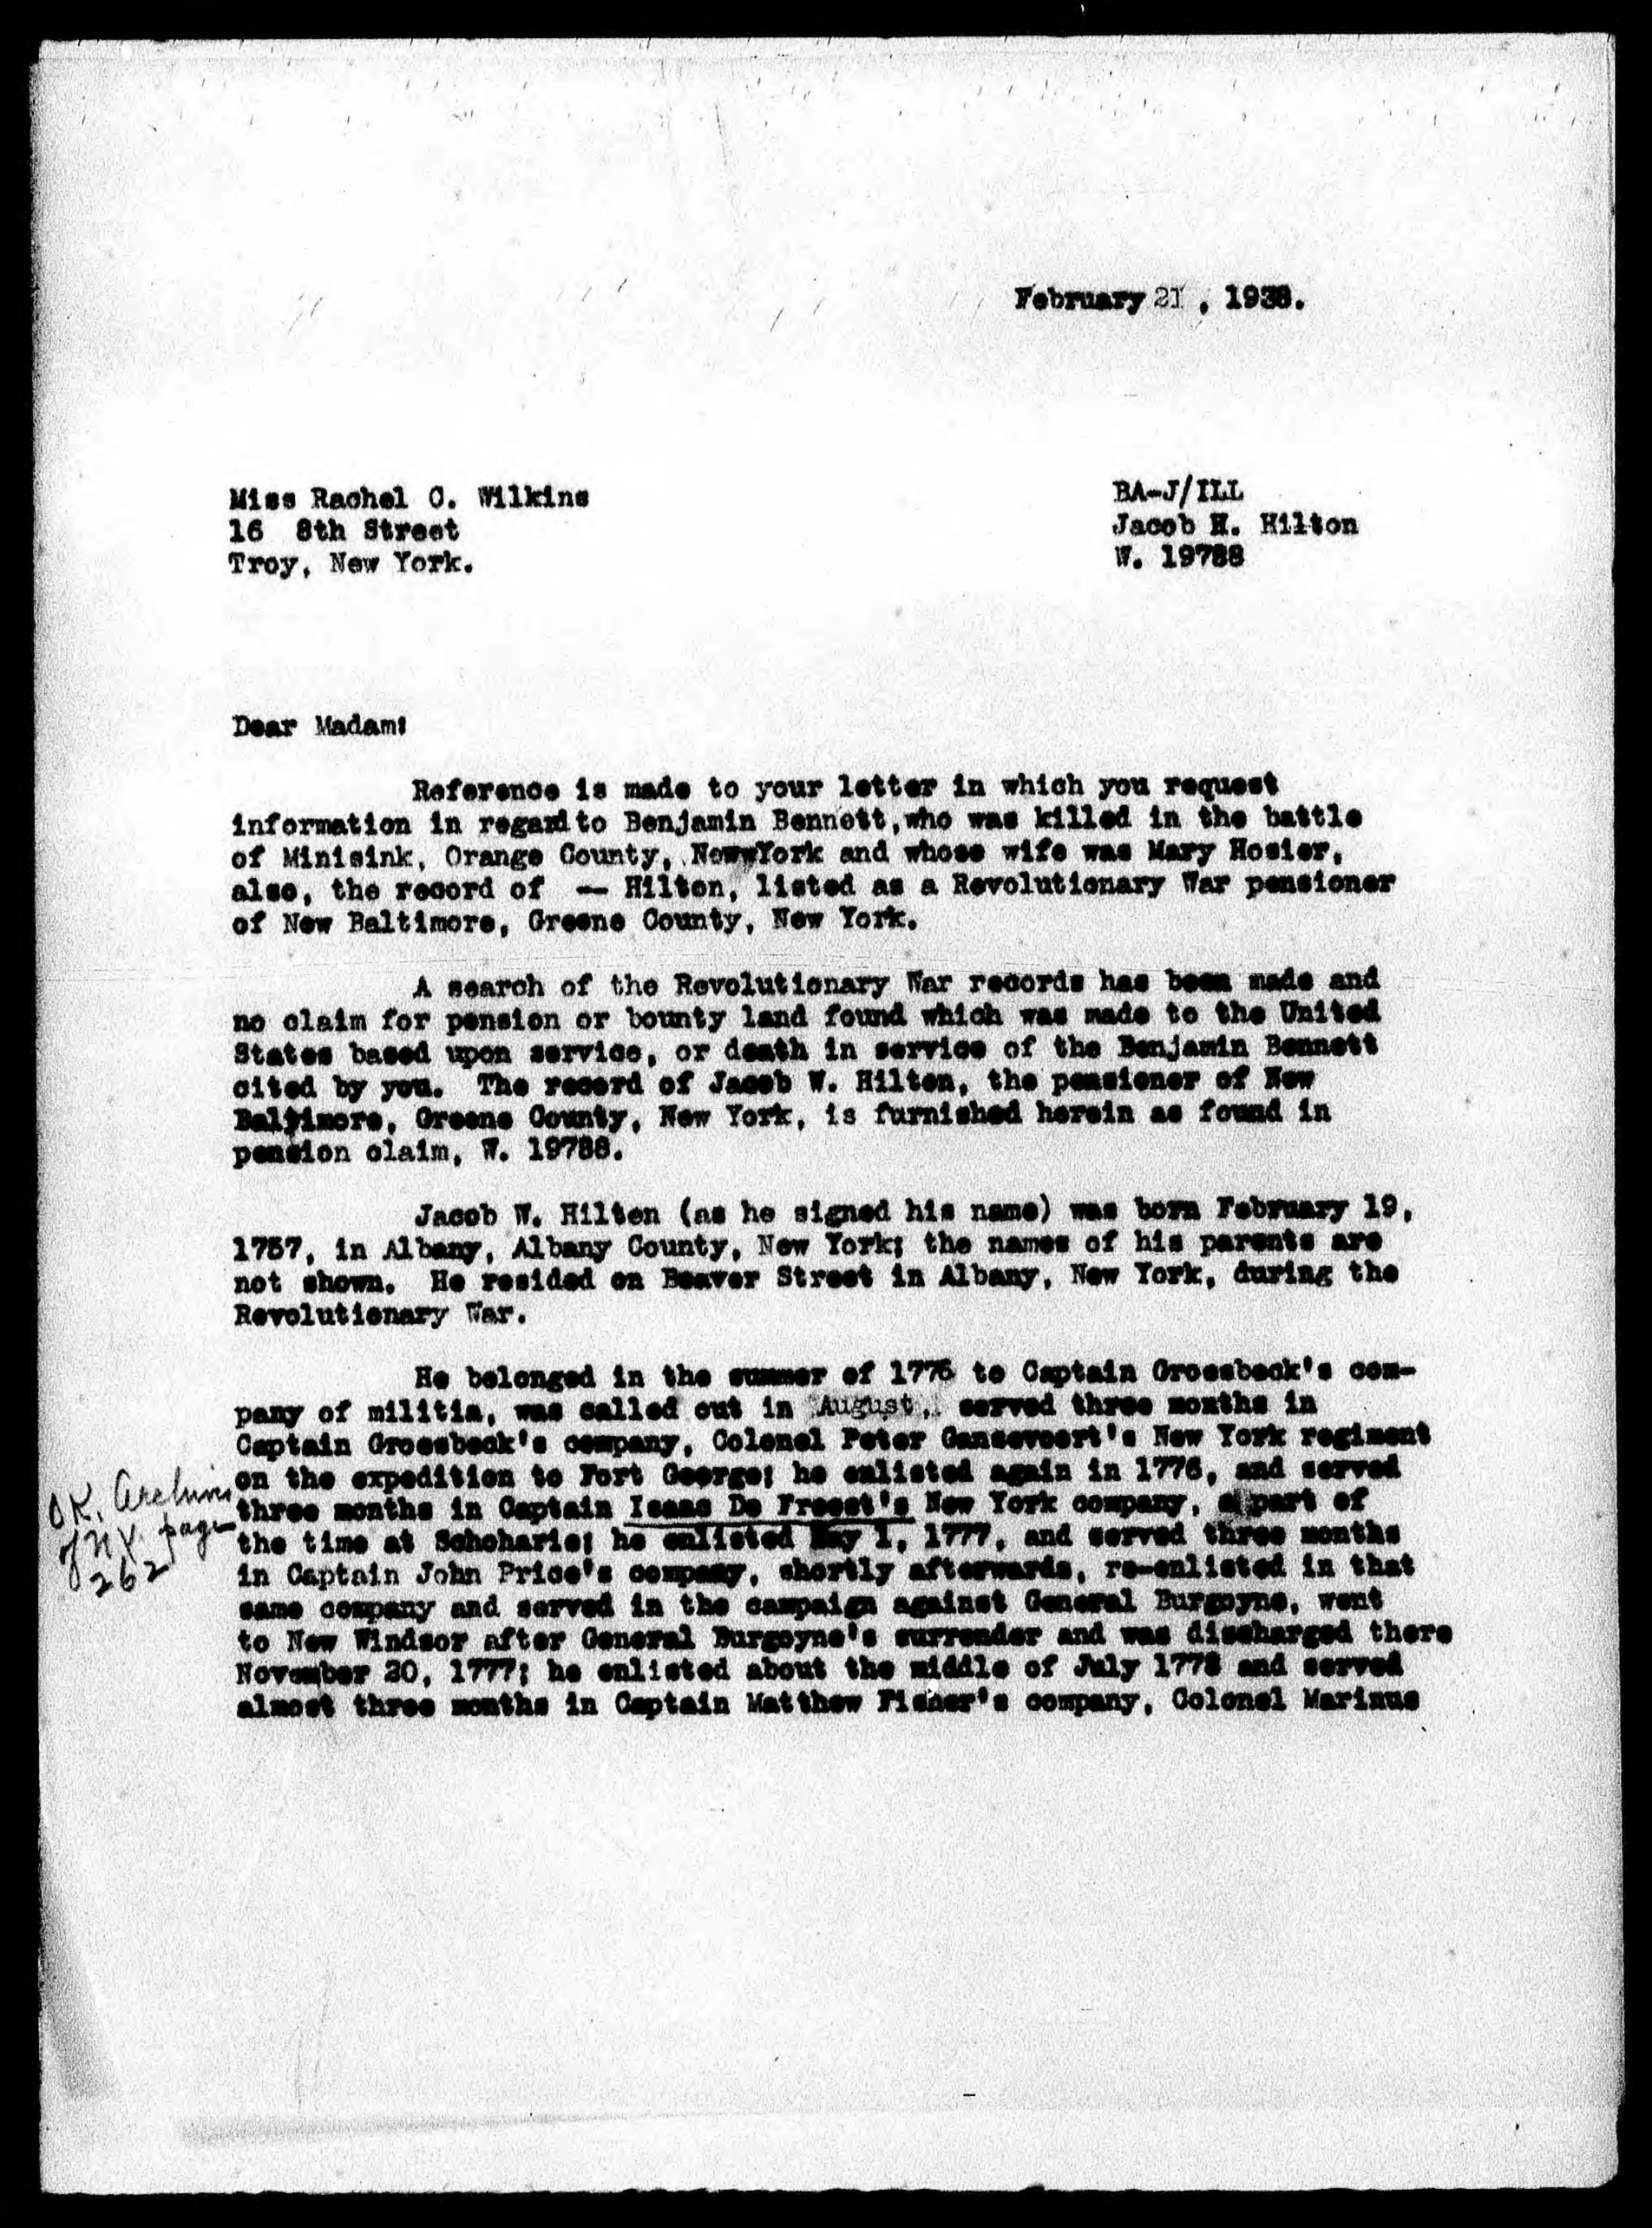February 21, 1938

Miss Rachel O Wilkins
16 8th Street
Troy, New York

BA-J/ILL
Jacob W. Hilton
W. 19788

Dear Madam:
Reference is made to your letter in which you request information in regards to Benjamin Bennett, who was killed in the battle of Miniskink, Orange County, New York and whose wife was Mary Hosierr, also, the record of - Hilton, listed as a Revolutionary War pensioner of New Baltimore, Greene County, New York.

A search of the Revolutionary war records has been made and no claim for pension or bounty land found which was made to the United States based upon service, or death in service of the Benjamin Bennett cited by you. The record of Jacob W. Hilton, the pensioner of New Baltimore, Greene County, New York, is furnished herein as found in pension claim, W. 19788.

Jacob W. Hilton (as he signed his name) was born February 19, 1757, in Albany, Albany County, New York; the names of his parents are not shown. He resided on Beaver Street in Albany, New York, during the Revolutionary War.

He belonged in the summer of 1776 to Captain Grossback's company of militia, was called out in August, served three months in Captain Grossback's company, Colonel Peter Gansevoort's New York regiment on the expedition to Fort George; he enlisted again in 1776, and served three months in Captain Isaac De Freest's New York Company, a part of the time at  Schoharie;  he enlisted May 1, 1777, and served three months in Captain John Price's company, shortly afterward, re-enlisted in that same company and served in the campaign against General Burgoyne, went to New Windson after General Burgoyne's surrender and was discharged there November 20, 1777; he enlisted about the middle of July 1778 and served almost three months in Captain Matthew Fisher's company, Colonel Marinus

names: Mary Hosier, Benjamin Bennett, Benjamin Bennett, Rachel C Wilkins, Jacob W Hilton, Marinus, Jacob W Hilton, Burgoyne, Jacob W Hilton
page: 18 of 48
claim: widow's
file: W. 19788, Jacob W Hilton, New York